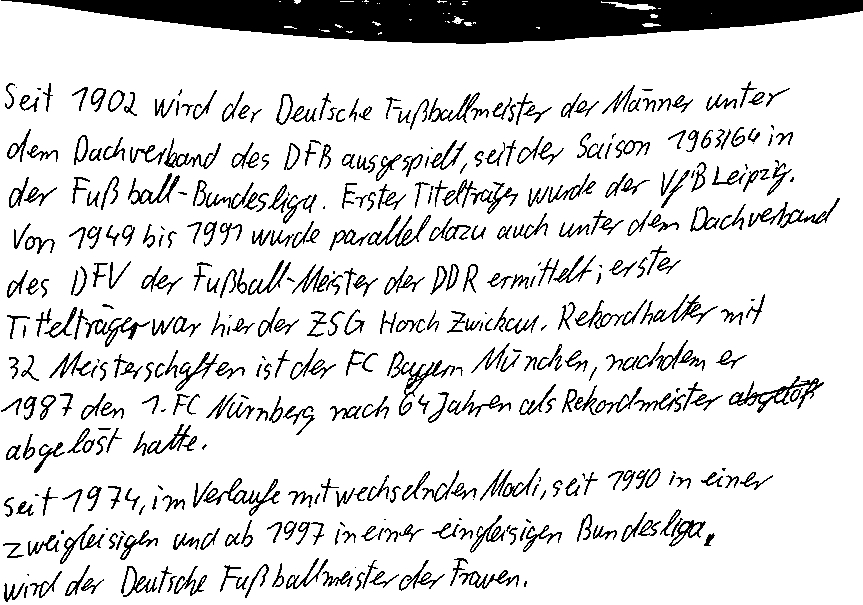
Seit 1902 wird der Deutsche Fußballmeister der Männer unter
dem Dachverband des DFB ausgespielt, seit der Saison 1963/64 in
der Fußball-Bundesliga. Erster Titelträger wurde der VfB Leipzig.
Von 1949 bis 1991 wurde parallel dazu auch unter dem Dachverband
des DFV der Fußball-Meister der DDR ermittelt; erster
Titelträger war hier die ZSG Horch Zwickau. Rekordhalter mit
32 Meisterschaften ist der FC Bayern München, nachdem er
1987 den 1. FC Nürnberg nach 64 Jahren als Rekordmeister
abgelöst hatte.
Seit 1974, im Verlaufe mit wechselnden Modi, seit 1990 in einer
zweigleisigen und ab 1997 in einer eingleisigen Bundesliga,
wird der Deutsche Fußballmeister der Frauen.
